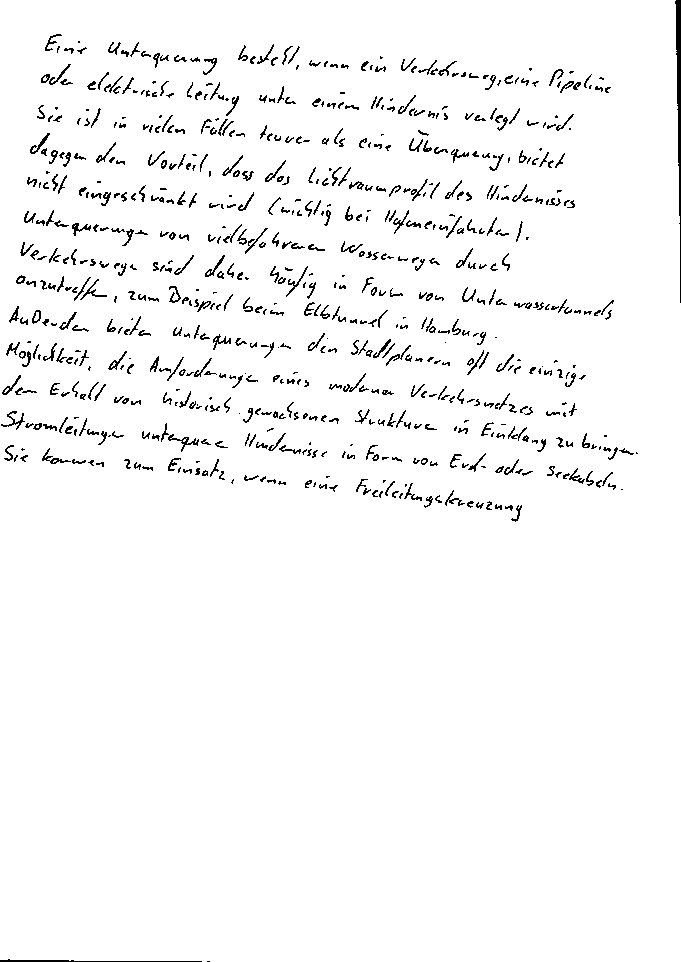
Eine Unterquerung besteht, wenn ein Verkehrsweg, eine Pipeline
oder eine elektrische Leitung unter einem Hindernis verlegt wird.
Sie ist in vielen Fällen teurer als eine Überquerung, bietet
dagegen den Vorteil, dass das Lichtraumprofil des Hindernisses
nicht eingeschränkt wird (wichtig bei Hafeneinfahrten).
Unterquerungen von vielbefahrenen Wasserwegen durch
Verkehrswege sind daher häufig in Form von Unterwassertunnels
anzutreffen, zum Beispiel beim Elbtunnel in Hamburg
Außerdem bieten Unterquerungen den Stadtplanern oft die einzige
Möglichkeit, die Anforderungen eines modernen Verkehrsnetzes mit
dem Erhalt von historisch gewachsenen Strukturen in Einklang zu bringen.
Stromleitungen unterqueren Hindernisse in Form von Erd- oder Seekabeln
Sie kommen zum Einsatz, wenn eine Freileitungskreuzung
